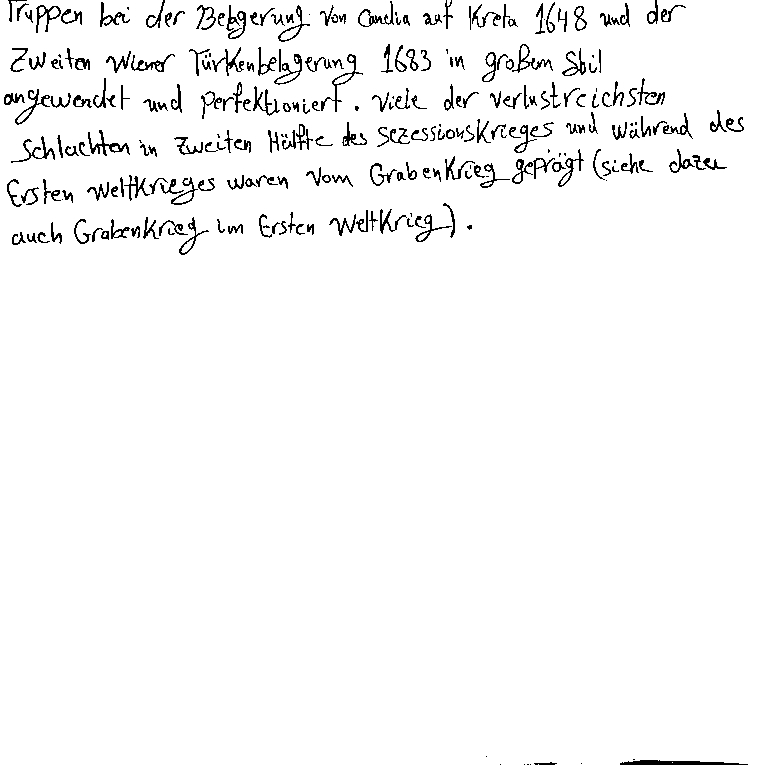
Truppen bei der Belagerung von Candia auf Kreta 1648 und der
Zweiten Wiener Türkenbelagerung 1683 in großem Stil
angewendet und perfektioniert. Viele der verlustreichsten
Schlachten in zweiten Hälfte des Sezessionskrieges und während des
Ersten Weltkrieges waren vom Grabenkrieg geprägt (siehe dazu
auch Grabenkrieg im Ersten Weltkrieg).
